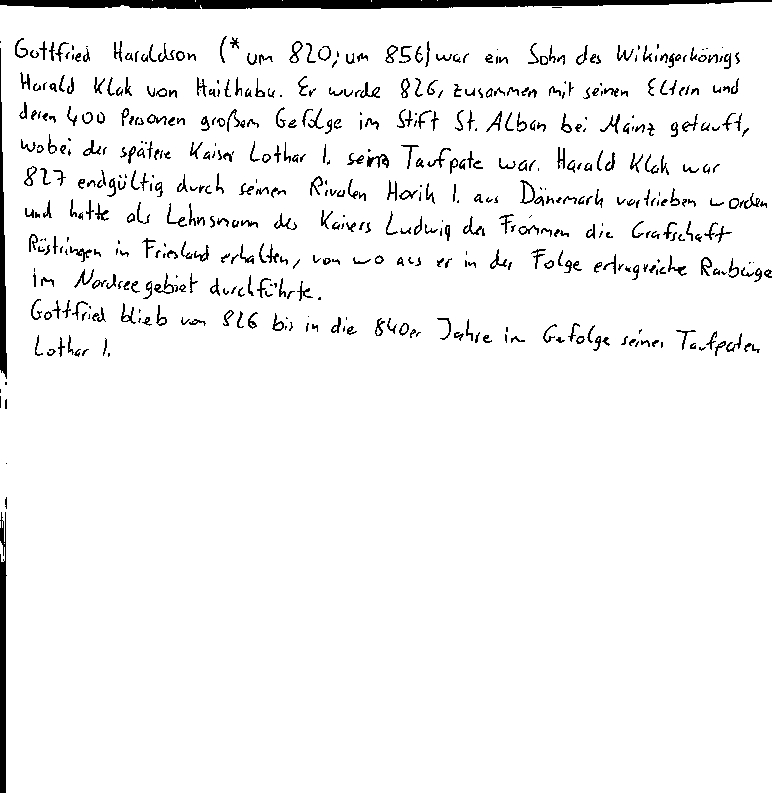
Gottfried Haraldsson (* um 820; um 856) war ein Sohn des Wikingerkönigs
Harald Klak von Haithabu. Er wurde 826, zusammen mit seinen Eltern und
deren 400 Personen großem Gefolge im Stift St. Alban bei Mainz getauft,
wobei der spätere Kaiser Lothar I. sein Taufpate war. Harald Klak war
827 endgültig durch seinen Rivalen Horik I. aus Dänemark vertrieben worden
und hatte als Lehnsmann des Kaisers Ludwig des Frommen die Grafschaft
Rüstringen in Friesland erhalten, von wo aus er in der Folge ertragreiche Raubzüge
im Nordseegebiet durchführte.
Gottfried blieb von 826 bis in die 840er Jahre im Gefolge seines Taufpaten Lothar I.
